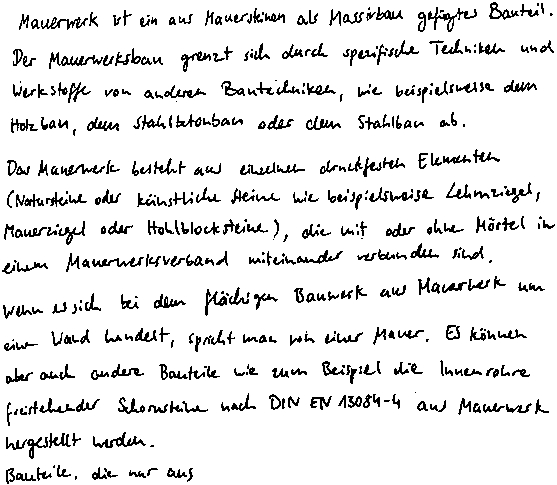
Mauerwerk ist ein aus Mauersteinen als Massivbau gefügtes Bauteil.
Der Mauerwerksbau grenzt sich durch spezifische Techniken und
Werkstoffe von anderen Bautechniken, wie beispielsweise dem
Holzbau, dem Stahlbetonbau oder dem Stahlbau, ab.
Das Mauerwerk besteht aus einzelnen druckfesten Elementen
(Natursteine oder künstliche Steine wie beispielsweise Lehmziegel,
Mauerziegel oder Hohlblocksteine), die mit oder ohne Mörtel in
einem Mauerwerksverband miteinander verbunden sind.
Wenn es sich bei dem flächigen Bauwerk aus Mauerwerk um
eine Wand handelt, spricht man von einer Mauer. Es können
aber auch andere Bauteile wie zum Beispiel die Innenrohre
freistehender Schornsteine nach DIN EN 13084-4 aus Mauerwerk
hergestellt werden.
Bauteile, die nur aus
